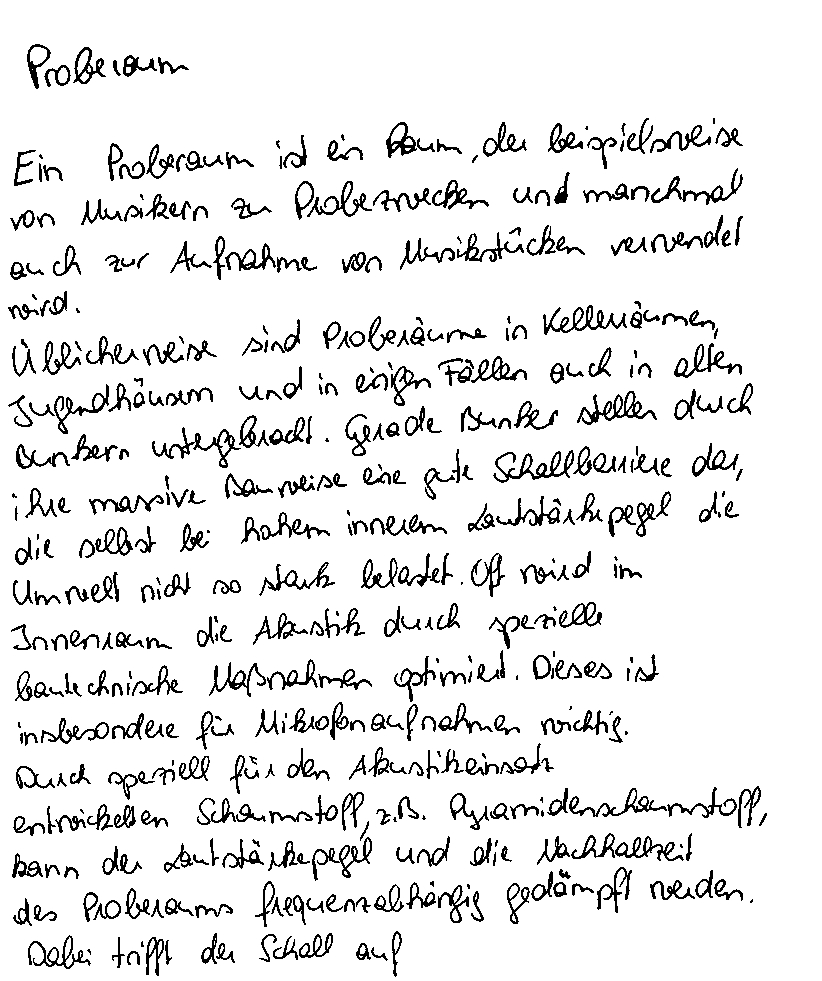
Proberaum
Ein Proberaum ist ein Raum, der beispielsweise
von Musikern zu Probezwecken und manchmal
auch zur Aufnahme von Musikstücken verwendet
wird.
Üblicherweise sind Proberäume in Kellerräumen,
Jugendhäusern und in einigen Fällen auch in alten
Bunkern untergebracht. Gerade Bunker stellen durch
ihre massive Bauweise eine gute Schallbarriere dar,
die selbst bei hohem innerem Lautstärkepegel die
Umwelt nicht so stark belastet. Oft wird im
Innenraum die Akustik durch spezielle
bautechnische Maßnahmen optimiert. Dieses ist
insbesondere für Mikrofonaufnahmen wichtig.
Durch speziell für den Akustikeinsatz
entwickelten Schaumstoff, z. B. Pyramidenschaumstoff,
kann der Lautstärkepegel und die Nachhallzeit
des Proberaums frequenzabhängig gedämpft werden.
Dabei trifft der Schall auf
